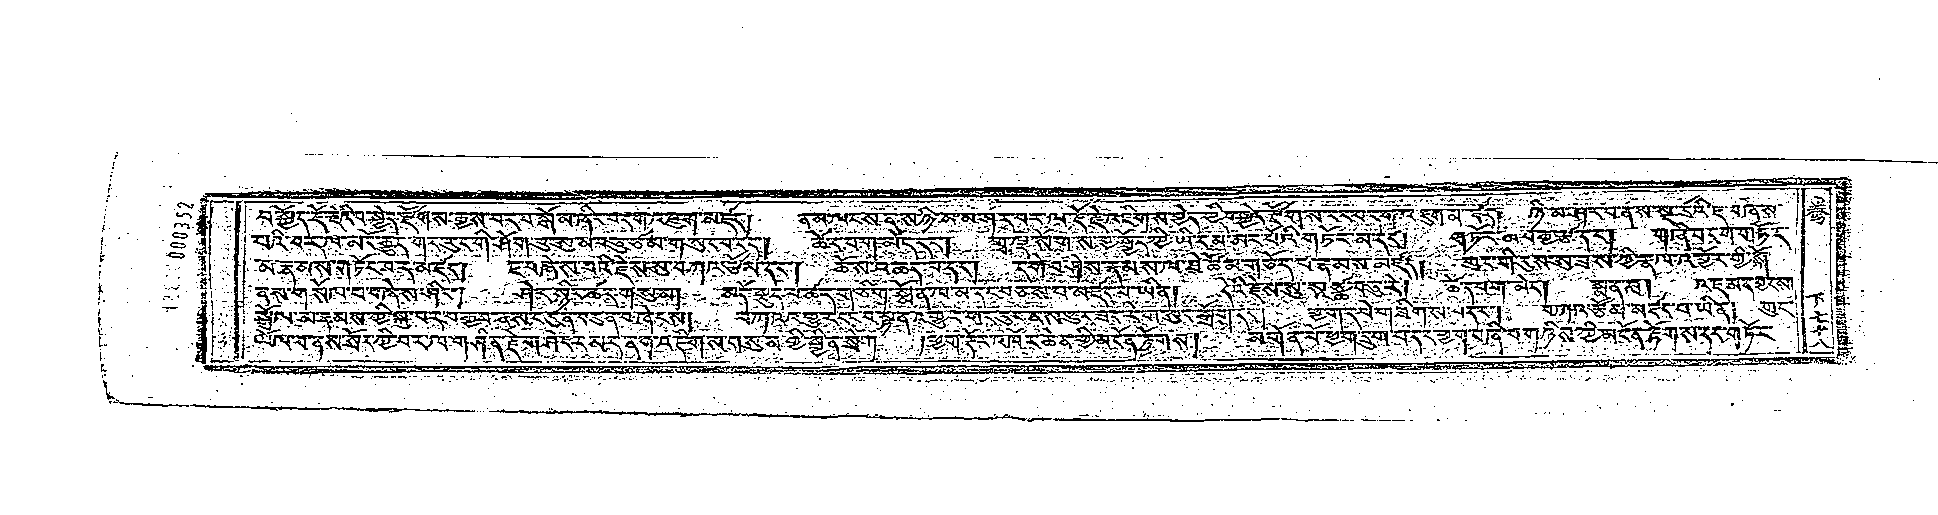བསྐྱོད་རྡོ་རྗེའི་བསྐྱེད་རྫོགས་རྒྱས་བར་བསྒོམ་ཞིང་བདག་འཇུག་མཛད། ནམ་ལངས་ནས་ཉི་མ་མ་ཤར་བར་ལ་རྡོ་རྗེ་འཇིགས་བྱེད་ཀྱི་བསྐྱེད་རྫོགས་དང་བདག་འཇུག་མཛད། ཉི་མ་ཤར་བ་ནས་སྔ་དྲོའི་ཇ་བཞེས་
པའི་བར་ལ་མདོ་རྒྱུད་གང་རུང་གི་ཤོག་བུ་སུམ་བཅུ་ཙམ་གསུང་བ་དང་། ཚེ་དཔག་མེད་དང་། གྲྭ་ལྔ་སོགས་བྱ་སྤྱོད་ཀྱི་ཡི་དམ་མང་པོའི་གཏོར་མ་དང་། གཏོར་མ་བརྒྱ་རྩ་དང་། གཞི་བདག་གཏོང་
མ་རྣམས་གཏོང་བར་མཛད། ཇ་བཞེས་བའི་རྗེས་སུ་བཀའ་རྩོམ་དང་། ཆོས་འཆད་པ་དང་། དགེ་བཤེས་རྣམས་ལ་ཐེ་ཚོམ་གཅོད་པ་རྣམས་མཛད། གུང་གི་དུས་སུ་བྲས་ཀྱི་རྣལ་འབྱོར་གྱི་སྐོ་
ནས་གསོལ་བ་བཞེས་ཤིང་། ཤེར་སྙིང་ཚད་གསུམ། མདོ་སྡུད་པ་ཚར་གཅིག་སྨོན་ལམ་དང་བཅས་པ་མཛད་པ་ཡིན། དེའི་རྗེས་སུ་སཱཙྪ་བཅུ་རེ། ཚེ་དཔག་མེད། སྨན་བླ། འཇམ་དབྱངས།
སྒྲོལ་མ་རྣམས་ཀྱི་སྐུ་པར་བརྒྱབ་ནས་བདུན་བདུན་བཞེངས། བཀའ་འགྱུར་དང་བསྟན་འགྱུར་གང་རུང་ནས་ཅུང་ཟད་རེ་གསུང་སྒྲོག་དང་། ཕྱག་དཔེ་གཟིགས་པ་དང་། བཀའ་རྩོམ་མཛད་པ་ཡིན། གུང་
ཡོལ་བ་ནས་སྲོད་ཀྱི་བར་ལ་གཤིན་རྗེ་གཤེད་དམར་ནག་འཇིགས་གསུམ་གྱི་སྦྱིན་སྲེག །ཕྱག་རྡོར་འཁོར་ཆེན་གྱི་མངོན་རྟོགས། མགོན་པོ་ཕྱག་དྲུག་པ་དང་ཕྱག་བཞི་པ་གཉིས་ཀྱི་མངོན་རྟོགས་དང་གཏོར་